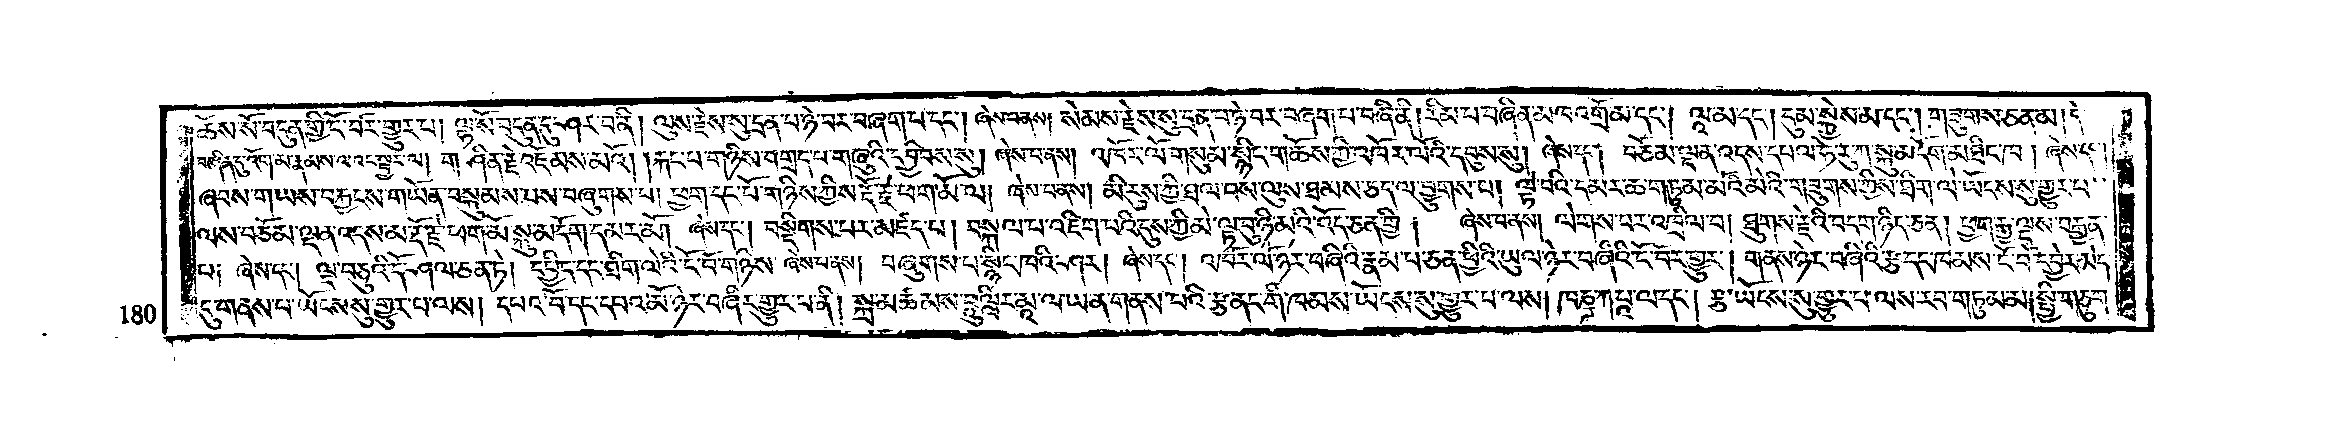ཆོས་སོ་བདུན་གྱི་ངོ་བོར་གྱུར་པ། ལྷ་སོ་བདུན་དུ་ཤར་བ་ནི། ལུས་རྗེས་སུ་དྲན་པ་ཉེ་བར་བཞག་པ་དང་། ཞེས་པ་ནས།  སེམས་རྗེས་སུ་དྲན་པ་ཉེ་བར་བཞག་པ་བཞི་ནི། རིམ་པ་བཞིན་མཁའ་འགྲོ་མ་དང་། ལྔ་མ་དང་། དུམ་སྐྱེས་མ་དང་། གཟུགས་ཅན་མ། དེ་
བཞིན་དུ་འོག་མ་རྣམས་ལའང་སྦྱར་ལ། གཤིན་རྗེ་འཇོམས་མའོ། །རྐང་པ་གཉིས་བགྲད་པ་གཞུའི་དབྱིབས་སུ། ཞེས་པ་ནས།  འཁོར་ལོ་གསུམ་སྙིང་ག་ཆོས་ཀྱི་འཁོར་ལོའི་དབུས་སུ། ཞེས་དང་།  བཅོམ་ལྡན་འདས་དཔལ་ཧེ་རུ་ཀ་སྐུ་མདོག་མཐིང་ཁ། ཞེས་དང་།
ཞབས་གཡས་བརྐྱངས་གཡོན་བསྐུམས་པས་བཞུགས་པ། ཕྱག་དང་པོ་གཉིས་ཀྱིས་རྡོ་རྗེ་ཕག་མོ་ལ། ཞེས་པ་ནས།  མི་རུས་ཀྱི་ཐལ་བས་ལུས་ཐམས་ཅད་ལ་བྱུགས་པ། ལྟེ་བའི་དམར་ཆ་གཏུམ་མོའི་མེའི་གཟུགས་ཀྱིས་ཐིག་ལེ་ཡོངས་སུ་གྱུར་པ་
ལས་བཅོམ་ལྡན་འདས་མ་རྡོ་རྗེ་ཕག་མོ་སྐུ་མདོག་དམར་མོ། ཞེས་དང་།  བསྡིགས་པར་མཛད་པ། བསྐལ་པ་འཇིག་པའི་དུས་ཀྱི་མེ་ལྟ་བུ་ཉི་མའི་འོད་ཅན་གྱི། ཞེས་པ་ནས།  ལེགས་པར་འཁྲིལ་བ། ཐུགས་རྗེའི་བདག་ཉིད་ཅན། ཕྱག་རྒྱ་ལྔས་བརྒྱན་
པ། ཞེས་དང་།  ལྔ་བཅུའི་དོ་ཤལ་ཅན་ཏེ། དཔྱིད་དང་ཐིག་ལེའི་ངོ་བོ་གཉིས་ཞེས་པ་ནས།  བཞུགས་པ་སྙིང་ཁའི་ཤར། ཞེས་དང་།  འཁོར་ལོ་ཉེར་བཞིའི་རྣམ་པ་ཅན་ཕྱིའི་ཡུལ་ཉེར་བཞིའི་ངོ་བོར་གྱུར། གནས་ཉེར་བཞིའི་རྩ་དང་ཁམས་ངོ་བོ་དབྱེར་མེད་
དུ་གནས་པ་ཡོངས་སུ་གྱུར་པ་ལས། དཔའ་བོ་དང་དཔའ་མོ་ཉེར་བཞིར་གྱུར་པ་ནི། སྐྲ་མཚམས་པཱུ་ལླིར་མཱ་ལ་ཡ་ན་གནས་པའི་རྩ་ནང་གི་ཁམས་ཡོངས་སུ་གྱུར་པ་ལས། ཁཎྜ་ཀ་པཱ་ལ་དང་། རྩ་ཡོངས་སུ་གྱུར་པ་ལས་རབ་གཏུམ་མ། སྤྱི་གཙུག་